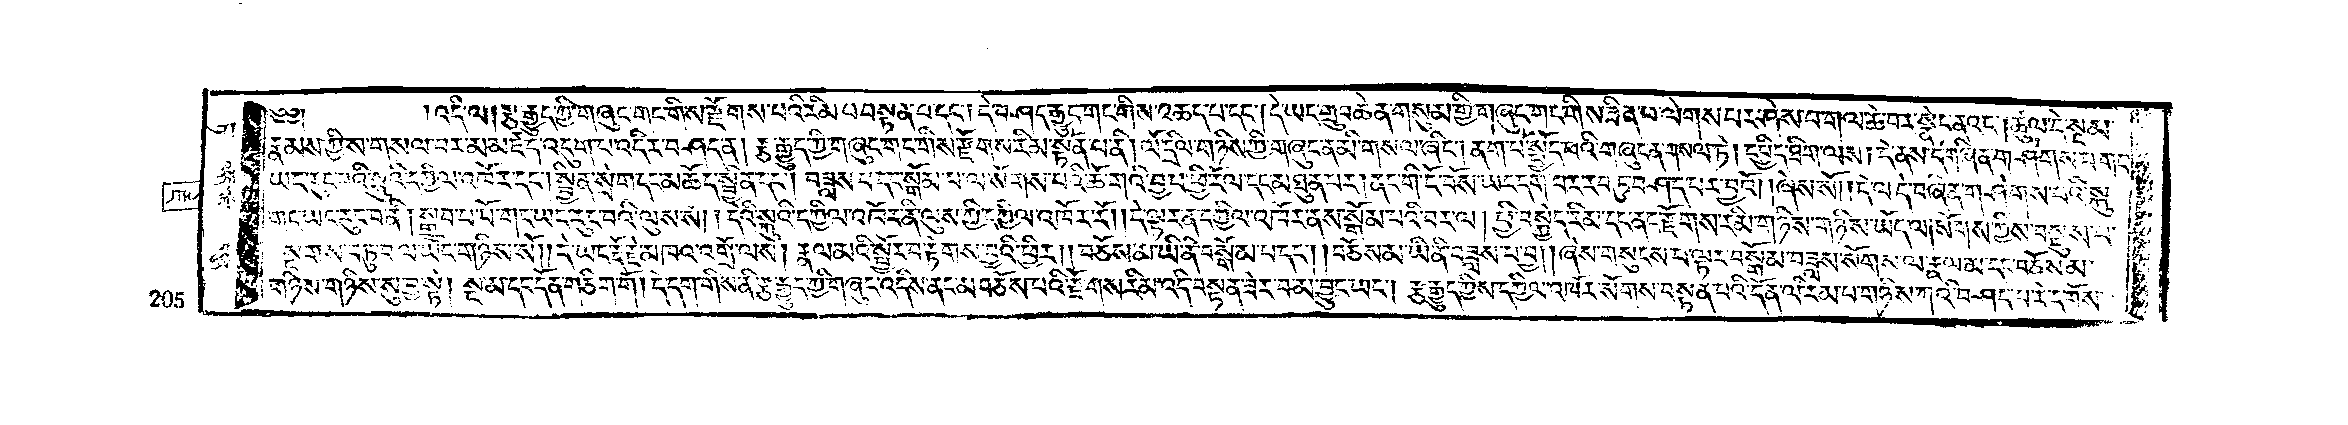༄༅། །འདི་ལ། རྩ་རྒྱུད་ཀྱི་གཞུང་གང་གིས་རྫོགས་པའི་རིམ་པ་བསྟན་པ་དང་། དེ་བཤད་རྒྱུད་གང་གིས་འཆད་པ་དང་། དེ་ཡང་གྲུབ་ཆེན་གསུམ་གྱི་གཞུང་གང་གིས་ཟིན་པ་ལེགས་པར་ཤེས་པ་གལ་ཆེ་བར་སྣང་ནའང་། ཚུལ་དེ་སྔ་མ་
རྣམས་ཀྱིས་གསལ་བར་མ་མཛད་འདུག་པ་འདིར་བཤད་ན། རྩ་རྒྱུད་ཀྱི་གཞུང་གང་གིས་རྫོགས་རིམ་སྟོན་པ་ནི། ལོ་དྲིལ་གཉིས་ཀྱི་གཞུང་ན་མི་གསལ་ཞིང་། ནག་པོ་སྤྱོད་པའི་གཞུང་ན་གསལ་ཏེ། དཔྱིད་ཐིག་ལས། དེ་ནས་དེ་གཞིན་གཤེགས་པ་གང་
ཡང་རུང་བའི་སྐུའི་དཀྱིལ་འཁོར་དང་། སྦྱིན་སྲེག་དང་མཆོད་སྦྱིན་དང་། བཟླས་པ་དང་སྒོམ་པ་ལ་སོགས་པའི་ཆོ་གའི་བྱ་བ་ཕྱི་རོལ་དང་མཐུན་པར། ནང་གི་ངོ་བོས་ཡང་དག་པར་རབ་ཏུ་བཤད་པར་བྱའོ། །ཞེས་སོ། །དེ་ལ་དེ་བཞིན་གཤེགས་པའི་སྐུ་
གང་ཡང་རུང་བ་ནི། སྒྲུབ་པ་པོ་གང་ཡང་རུང་བའི་ལུས་སོ། །དེའི་སྐུའི་དཀྱིལ་འཁོར་ནི་ལུས་ཀྱི་དཀྱིལ་འཁོར་རོ། །དེ་ལྟར་ན་དཀྱིལ་འཁོར་ནས་སྒོམ་པའི་བར་ལ། ཕྱི་བསྐྱེད་རིམ་དང་ནང་རྫོགས་རིམ་གཉིས་གཉིས་ཡོད་ལ། སོགས་ཀྱིས་བསྡུས་པ་
སྔགས་བཏུ་བ་ལ་ཡང་གཉིས་སོ། །དེ་ཡང་རྡོ་རྗེ་མཁའ་འགྲོ་ལས། རྣལ་མའི་སྦྱོར་བ་རྟོགས་བྱའི་ཕྱིར། །བཅོས་མ་ཡི་ནི་བསྒོམ་པ་དང་། །བཅོས་མ་ཡི་ནི་བཟླས་པ་བྱ། །ཞེས་གསུངས་པ་ལྟར་བསྒོམ་བཟླས་སོགས་ལ་རྣལ་མ་དང་བཅོས་མ་
གཉིས་གཉིས་སུ་བྱ་སྟེ། སྔ་མ་དང་དོན་གཅིག་གོ །དེ་དག་གིས་ནི་རྩ་རྒྱུད་ཀྱི་གཞུང་འདིས་ནང་མ་བཅོས་པའི་རྫོགས་རིམ་འདི་བསྟན་ཟེར་བ་མ་བྱུང་ཡང་། རྩ་རྒྱུད་ཀྱིས་དཀྱིལ་འཁོར་སོགས་བསྟན་པའི་དོན་ལ་རིམ་པ་གཉིས་ཀའི་བཤད་པ་རེ་དགོས་